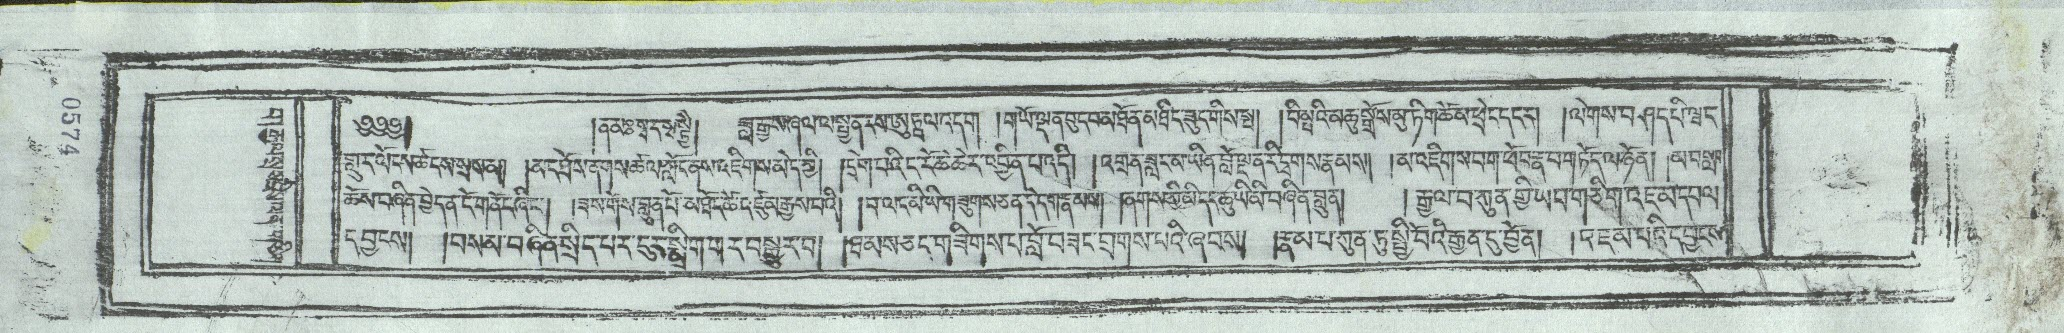༄༅༅། །ནམཿསྭ་ར་སྭསྟྱཻ། ཟླ་རྒྱས་ཞལ་ལ་སྤྱན་རས་ཨུཏྤལ་འདག །གཡོ་ལྡན་བུང་བ་མཐོན་མཐིང་ཟུང་གིས་སྤ། །བི་མྤའི་མཆུ་སྒྲོས་མུ་ཏིག་ཚེམ་ཕྲེང་དངར། །ལེགས་བཤད་པི་ཝང་གླུར་ལོངས་ཚོངས་སྲས་མ། །མང་ཐོས་ནགས་ཚལ་ཀློང་ནས་འཇིགས་མེད་ཀྱི། །དྲེག་པའི་ད་རོ་ཆེ་ཆེར་འབྱིན་པ་འདི། །འགྲན་ཟླར་མ་ཡིན་བློ་ལྡན་རིན་དྭགས་རྣམས། །མ་འཇིགས་པག་ཕོ་བ་རྣ་བ་གཏོད་ལ་ཉོན། །མ་བསླ་
ཆོས་བཞིན་བྱེད་ན་ངོ་གནོད་ཞིང་། །ཟས་གོས་བླུན་པོ་མཐོང་ཚེད་ཛུམ་རྒྱས་པའི། །བ་ལང་མི་ཡི་གཟུགས་ཅན་དེ་དག་རྣམས། །ནགས་ཀྱི་མི་དང་ཆུ་ཡི་མི་བཞིན་བླུན། །རྒྱལ་བ་ཀུན་གྱི་ཡབ་གཅིག་འཇམ་དཔལ་
དབྱངས། །བསམ་བཞིན་སྲིད་པར་དུར་སྨྲིག་གར་བསྒྱུར་བ། །ཐམས་ཅད་གཟིགས་པ་བློ་བཟང་གྲགས་པའི་ཞབས། །རྣམ་པ་ཀུན་ཏུ་སྤྱི་བོའི་རྒྱན་དུ་བྱོན། །འཇམ་པའི་དབྱངས་